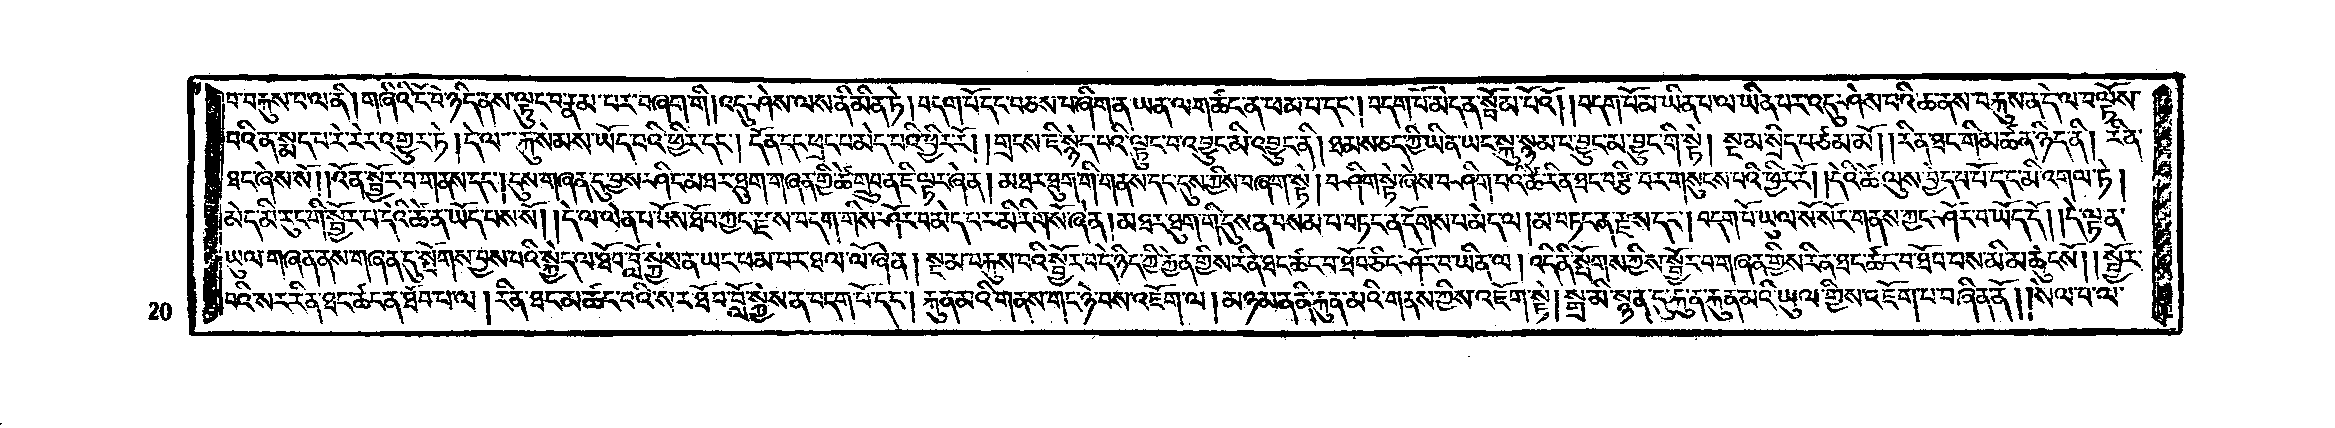བ་བརྐུས་པ་ལ་ནི། གཞིའི་ངོ་བོ་ཉིད་ནས་ལྟུང་བ་རྣམ་པར་བཞག་གི །འདུ་ཤེས་ལས་ནི་མིན་ཏེ། བདག་པོ་དང་བཅས་པ་ཞིག་ན་ཡན་ལག་ཚང་ན་ཕམ་པ་དང་། བདག་པོ་མེད་ན་སྦོམ་པོའོ། །བདག་པོ་མ་ཡིན་པ་ལ་ཡིན་པར་འདུ་ཤེས་པའི་ཆ་ནས་བརྐུས་ན་དེ་ལ་བལྟོས་
པའི་ན་སྨད་པ་རེ་རེར་འགྱུར་ཏེ། དེ་ལ་རྐུ་སེམས་ཡོད་པའི་ཕྱིར་དང་། དོན་དང་ཕྲད་པ་མེད་པའི་ཕྱིར་རོ། །གྲངས་ཇི་སྙེད་པའི་ལྟུང་བ་འབྱུང་མི་འབྱུང་ནི། ཐམས་ཅད་ཀྱི་ཡིན་ཡང་སྐུ་སྙམ་པ་བྱུང་མ་བྱུང་གི་སྟེ། སྔ་མ་སྲིད་པ་ཙམ་མོ། །རིན་ཐང་གི་མཚན་ཉིད་ནི། རིན་
ཐང་ཞེས་སོ། །འོ་ན་སྦྱོར་བ་གནས་དང་། དུས་གཞན་དུ་བྱས་ཤིང་མཐར་ཐུག་གཞན་གྱི་ཚེ་གྲུབ་ན་ཇི་ལྟར་ཞེ་ན། མཐར་ཐུག་གི་གནས་དང་དུས་ཀྱིས་བཞག་སྟེ། བཤིག་སྟེ་ཞེས་བཤིག་པའི་ཚེ་རིན་ཐང་བརྩི་བར་གསུངས་པའི་ཕྱིར་རོ། །དེའི་ཚེ་ལུས་བྱེད་པ་པོ་དང་མི་འགལ་ཏེ།
མེད་མི་རུང་གི་སྦྱོར་བ་དེའི་ཚེ་ན་ཡོད་པས་སོ། །དེ་ལ་ལེན་པ་པོས་ཐོབ་ཀྱང་རྫས་བདག་གིས་ཤོར་བ་མེད་པར་མི་རིགས་སོ་ཞེ་ན། མཐར་ཐུག་གི་དུས་ན་བསམ་པ་བཏང་ན་དོགས་པ་མེད་ལ། མ་བཏང་ན་རྫས་དང་། བདག་པོ་ཡུལ་སོ་སོར་གནས་ཀྱང་ཤོར་བ་ཡོད་དོ། །དེ་ལྟ་ན་
ཡུལ་གཞན་ནས་གཞན་དུ་སྤོགས་བྱས་པའི་སྐྱེད་ལ་ཐོབ་བློ་སྐྱེས་ན་ཡང་ཕམ་པར་ཐལ་ལོ་ཞེ་ན། སྔ་མ་བརྐུས་པའི་སྦྱོར་བ་དེ་ཉིད་ཀྱི་རྐྱེན་གྱིས་རིན་ཐང་ཚང་བ་ཐོབ་ཅིང་ཤོར་བ་ཡིན་ལ། འདི་ནི་སྤོགས་ཀྱིས་སྦྱོར་བ་གཞན་གྱིས་རིན་ཐང་ཚང་བ་ཐོབ་པས་མི་མཚུངས་སོ། །སྦྱོར་
བའི་སར་རིན་ཐང་ཚང་ན་ཐོབ་པ་ལ། རིན་ཐང་མ་ཚང་བའི་སར་ཐོབ་བློ་སྐྱེས་ན་བདག་པོ་དང་། རྐུན་མའི་གནས་གང་ཉེ་བས་འཇོག་ལ། མཉམ་ན་ནི་རྐུན་མའི་གནས་ཀྱིས་འཇོག་སྟེ། སྒྲ་མི་སྙན་དུ་རྐུ་ན་རྐུན་མའི་ཡུལ་གྱིས་འཇོག་པ་བཞིན་ནོ། །སེལ་བ་ལ་